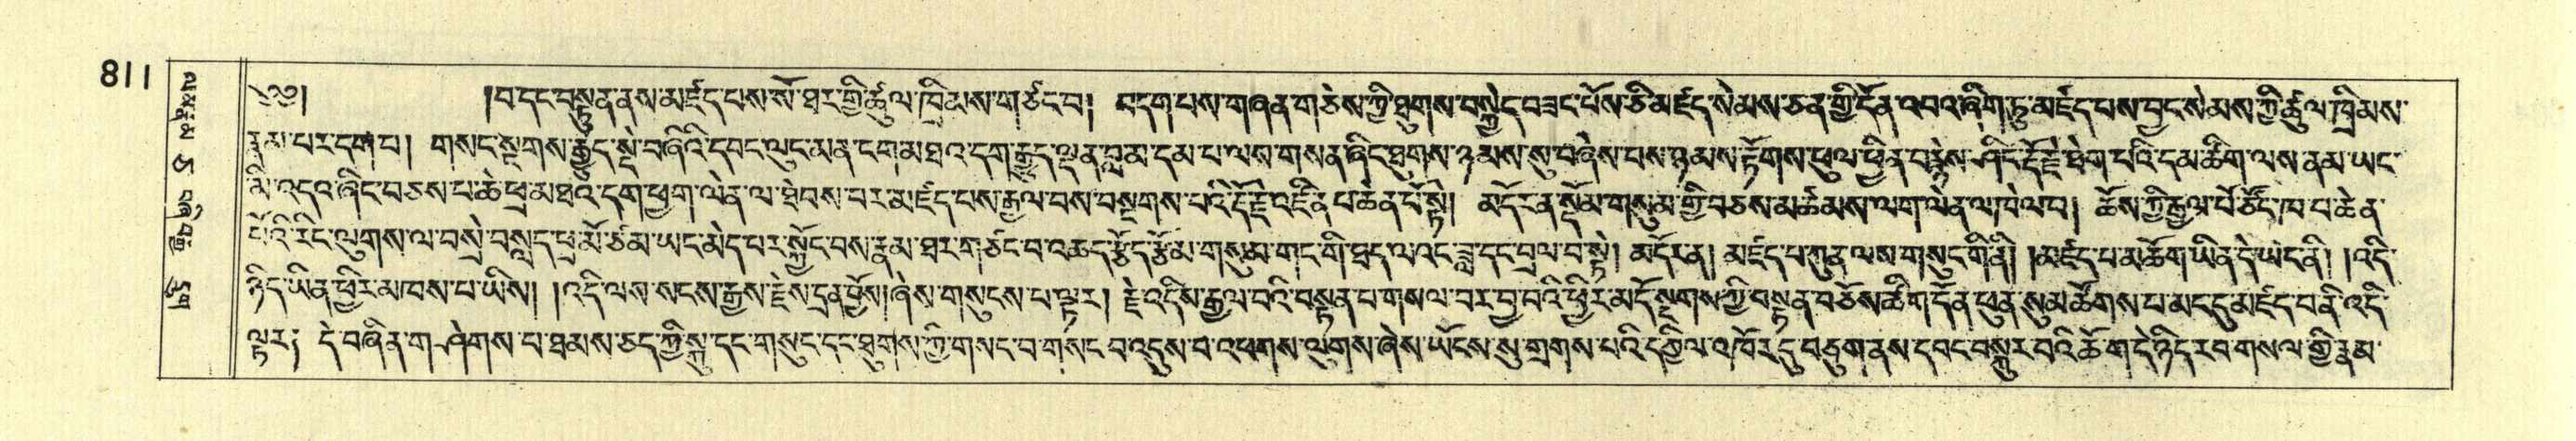༄༅། །བ་དང་བསྟུན་ནས་མཛད་པས་སོ་ཐར་གྱི་ཚུལ་ཁྲིམས་གཙང་བ། བདག་པས་གཞན་གཅེས་ཀྱི་ཐུགས་བསྐྱེད་བཟང་པོས་ཅི་མཛད་སེམས་ཅན་གྱི་དོན་འབའ་ཞིག་ཏུ་མཛད་པས་བྱང་སེམས་ཀྱི་ཚུལ་ཁྲིམས་
རྣམ་པར་དག་པ། གསང་སྔགས་རྒྱུད་སྡེ་བཞིའི་དབང་ལུང་མན་ངག་མཐའ་དག་རྒྱུད་ལྡན་བླ་མ་དམ་པ་ལས་གསན་ཞིང་ཐུགས་ཉམས་སུ་བཞེས་པས་ཉམས་རྟོགས་ཕུལ་ཕྱིན་བརྙེས་ཤིང་རྡོ་རྗེ་ཐེག་པའི་དམ་ཚིག་ལས་ནམ་ཡང་
མི་འདའ་ཞིང་བཅས་པ་ཆེ་ཕྲ་མཐའ་དག་ཕྱག་ལེན་ལ་ཐེབས་བར་མཛད་པས་རྒྱལ་བས་བསྔགས་པའི་རྡོ་རྗེ་འཛིན་པ་ཆེན་པོ་སྟེ། མདོར་ན་སྡོམ་གསུམ་གྱི་བཅས་མཚམས་ལག་ལེན་ལ་ཁེལ་བ། ཆོས་ཀྱི་རྒྱལ་པོ་ཙོང་ཁ་པ་ཆེན་
པོའི་རིང་ལུགས་ལ་བསྲེ་བསླད་ཕྲ་མོ་ཙམ་ཡང་མེད་པར་སྐྱོང་བས་རྣམ་ཐར་གཙང་བ་འཆད་རྩོད་རྩོམ་གསུམ་གང་གི་ཐད་ལའང་ཟླ་དང་བྲལ་བ་སྟེ། མདོར་ན། མཛད་པ་ཀུན་ལས་གསུང་གི་ནི། །མཛད་པ་མཆོག་ཡིན་དེ་ཡང་ནི། །འདི་
ཉིད་ཡིན་ཕྱིར་མཁས་པ་ཡིས། །འདི་ལས་སངས་རྒྱས་རྗེས་དྲན་བྱོས། །ཞེས་གསུངས་པ་ལྟར། རྗེ་འདིས་རྒྱལ་བའི་བསྟན་པ་གསལ་བར་བྱ་བའི་ཕྱིར་མདོ་སྔགས་ཀྱི་བསྟན་བཅོས་ཚིག་དོན་ཕུན་སུམ་ཚོགས་པ་མང་དུ་མཛད་པ་ནི་འདི་
ལྟར༑ དེ་བཞིན་གཤེགས་པ་ཐམས་ཅད་ཀྱི་སྐུ་དང་གསུང་དང་ཐུགས་ཀྱི་གསང་བ་གསང་བ་འདུས་པ་འཕགས་ལུགས་ཞེས་ཡོངས་སུ་གྲགས་པའི་དཀྱིལ་འཁོར་དུ་བཅུག་ནས་དབང་བསྐུར་བའི་ཆོ་ག་དེ་ཉིད་རབ་གསལ་གྱི་རྣམ་